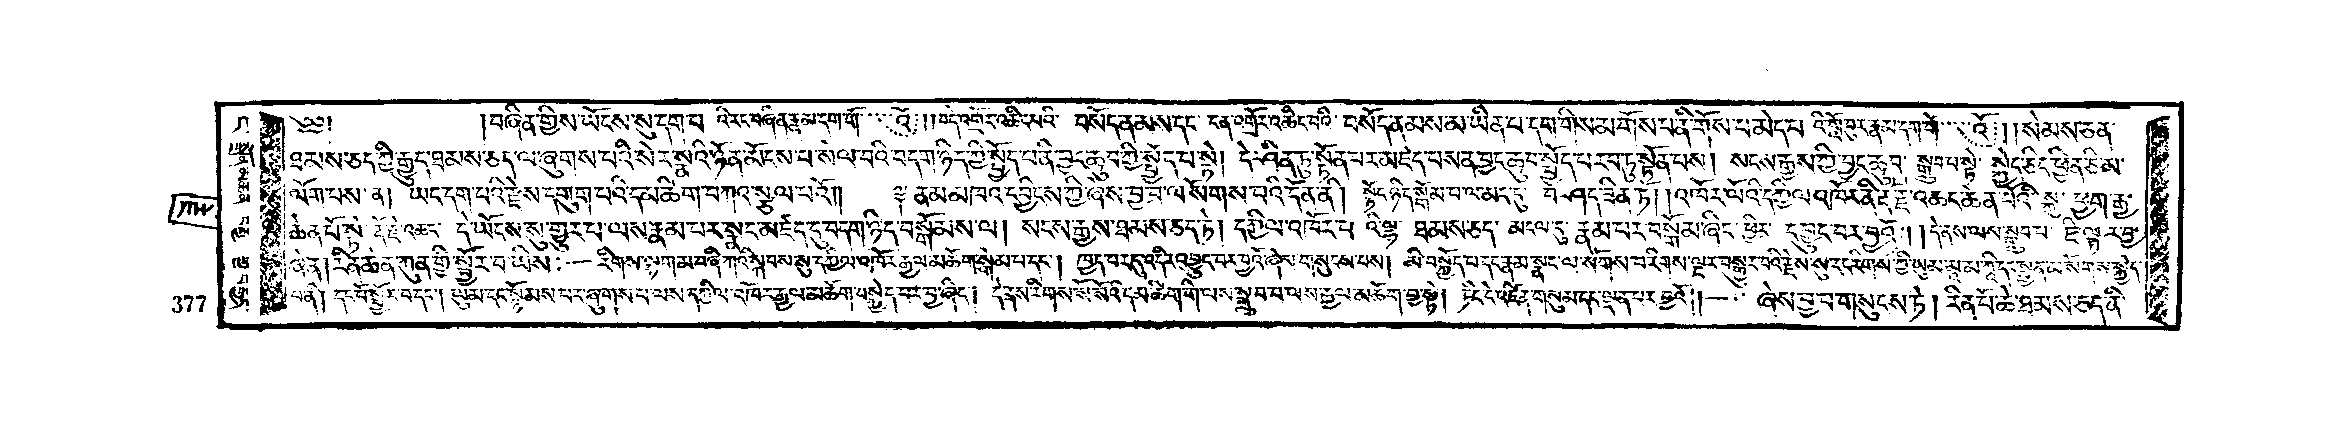༄༅། །བཞིན་གྱིས་ཡོངས་སུ་དག་པའི་རང་བཞིན་རྣམ་དག་གོ་འོ། ། བདེ་འགྲོར་འཆིང་བའི་བསོད་ནམས་དང་ངན་འགྲོར་འཆིང་བའི་བསོད་ནམས་མ་ཡིན་པ་དག་གིས་མ་གོས་པ་ནི་གོས་པ་མེད་པའི་གློ་བུར་རྣམ་དག་གོ་འོ། །སེམས་ཅན་
ཐམས་ཅད་ཀྱི་རྒྱུད་ཐམས་ཅད་ལ་ཞུགས་པའི་སེར་སྣའི་ཉོན་མོངས་པ་སེལ་བའི་བདག་ཉིད་ཀྱི་སྤྱོད་པ་ནི་བྱང་ཆུབ་ཀྱི་སྤྱོད་པ་སྟེ། དེ་ཤིན་ཏུ་སྟོན་པར་མཛད་པས་ན་བྱང་ཆུབ་སྤྱོད་པ་རབ་ཏུ་སྟོན་པས། སངས་རྒྱས་ཀྱི་བྱང་ཆུབ་སྒྲུབ་སྒྲུབ་པ་སྟེ་སྐྱེད་ཅིང་ཕྱིན་ཅི་མ་
ལོག་པས་ན། ཡང་དག་པའི་རྫས་དགུག་པའི་དམ་ཚིག་བཀའ་སྩལ་པའོ།། ༈ ནམ་མཁའ་དབྱིངས་ཀྱི་ཞེས་བྱ་བ་ལ་སོགས་པའི་དོན་ནི། སྟོང་ཉིད་སྒོམ་པ་ལ་མང་དུ་བཤད་ཟིན་ཏོ། །འཁོར་ལོའི་དཀྱིལ་འཁོར་ནི་རྡོ་རྗེ་འཆང་ཆེན་པོའི་སྐུ་ཕྱག་རྒྱ་
ཆེན་པོ་སྟེ་རྡོ་རྗེ་འཆང་དེ་ཡོངས་སུ་གྱུར་པ་ལས་རྣམ་པར་སྣང་མཛད་དུ་བདག་ཉིད་བསྒོམས་ལ། སངས་རྒྱས་ཐམས་ཅད་ཏེ། དཀྱིལ་འཁོར་པའི་ལྷ་ཐམས་ཅད་མངལ་དུ་རྣམ་པར་བསྒོམ་ཞིང་ཕྱིར་དབྱུང་བར་བྱའོ། ། དེ་ནས་ལས་སྒྲུབ་པ་ཇི་ལྟར་བྱ
ཞེ་ན། རིན་ཆེན་ཀུན་གྱི་སྦྱོར་བ་ཡིས་རིགས་ལྷག་མ་བཞི་ཀའི་སྐབས་སུ་དཀྱིལ་འཁོར་རྒྱལ་མཆོག་སྒོམ་པ་དང་། ཁྱད་པར་དུ་འདིར་འབྱུང་བར་བྱའོ་ཞེས་གསུངས་པས། མི་བསྐྱོད་པ་དང་རྣམ་སྣང་ལ་སོགས་པ་རིགས་ལྔར་བསྒྱུར་བའི་རྗེས་སུ་རང་རིགས་ཀྱི་ཡུམ་མཱ་མ་ཀཱི་དང་སྤྱན་མ་སོགས་སྐྱེད་
པ་ནི། དང་པོ་སྦྱོར་བ་དང་། ཡུམ་དང་སྙོམས་པར་ཞུགས་པ་ལས་དཀྱིལ་འཁོར་རྒྱལ་མཆོག་བསྐྱེད་པར་བྱ་ཞིང་། དེ་ནས་རིགས་སོ་སོའི་དམ་ཚིག་གི་ལས་སྒྲུབ་པ་ལས་རྒྱལ་མཆོག་བྱ་སྟེ། ཏིང་ངེ་འཛིན་གསུམ་དང་ལྡན་པར་བྱའོ།། ཞེས་བྱ་བ་གསུངས་ཏེ། རིན་པོ་ཆེ་ཐམས་ཅད་ནི་